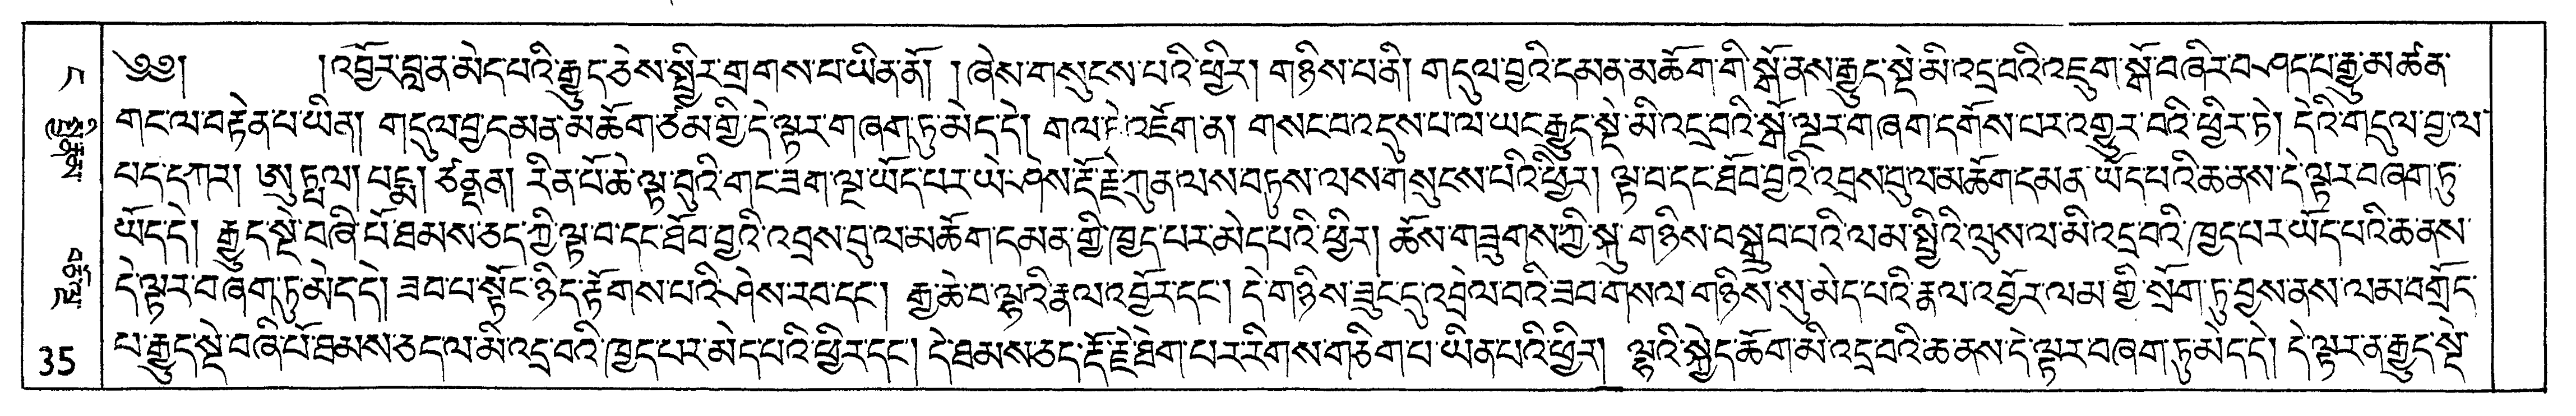༄༅། །འབྱོར་བླ་ན་མེད་པའི་རྒྱུད་ཅེས་སྤྱིར་གྲགས་པ་ཡིན་ནོ། །ཞེས་གསུངས་པའི་ཕྱིར། གཉིས་པ་ནི། གདུལ་བྱའི་དམན་མཆོག་གི་སྒོ་ནས་རྒྱུད་སྡེ་མི་འདྲ་བའི་འཇུག་སྒོ་བཞིར་བཤད་པ་རྒྱུ་མཚན་
གང་ལ་བརྟེན་པ་ཡིན། གདུལ་བྱ་དམན་མཆོག་ཙམ་གྱི་དེ་ལྟར་གཞག་ཏུ་མེད་དེ། གལ་ཏེ་འཇོག་ན། གསང་བ་འདུས་པ་ལ་ཡང་རྒྱུད་སྡེ་མི་འདྲ་བའི་སྒོ་ལྔར་གཞག་དགོས་པར་འགྱུར་བའི་ཕྱིར་ཏེ། དེའི་གདུལ་བྱ་ལ་
པད་དཀར། ཨུཏྤལ། པདམ། ཙནྡན། རིན་པོ་ཆེ་ལྟ་བུའི་གང་ཟག་ལྔ་ཡོད་པར་ཡེ་ཤེས་རྡོ་རྗེ་ཀུན་ལས་བཏུས་ལས་གསུངས་པའི་ཕྱིར། ལྟ་བ་དང་ཐོབ་བྱའི་འབྲས་བུ་ལ་མཆོག་དམན་ཡོད་པའི་ཆ་ནས་དེ་ལྟར་བཞག་ཏུ་
ཡོད་དེ། རྒྱུད་སྡེ་བཞི་པོ་ཐམས་ཅད་ཀྱི་ལྟ་བ་དང་ཐོབ་བྱའི་འབྲས་བུ་ལ་མཆོག་དམན་གྱི་ཁྱད་པར་མེད་པའི་ཕྱིར། ཆོས་གཟུགས་ཀྱི་སྐུ་གཉིས་བསྒྲུབ་པའི་ལམ་སྤྱིའི་ལུས་ལ་མི་འདྲ་བའི་ཁྱད་པར་ཡོད་པའི་ཆ་ནས་
དེ་ལྟར་བཞག་ཏུ་མེད་དེ། ཟབ་པ་སྟོང་ཉིད་རྟོགས་པའི་ཤེས་རབ་དང་། རྒྱ་ཆེ་བ་ལྷའི་རྣལ་འབྱོར་དང་། དེ་གཉིས་ཟུང་དུ་འབྲེལ་བའི་ཟབ་གསལ་གཉིས་སུ་མེད་པའི་རྣལ་འབྱོར་ལམ་གྱི་སྲོག་ཏུ་བྱས་ནས་ལམ་བགྲོད་
པ་རྒྱུད་སྡེ་བཞི་པོ་ཐམས་ཅད་ལ་མི་འདྲ་བའི་ཁྱད་པར་མེད་པའི་ཕྱིར་དང་། དེ་ཐམས་ཅད་རྡོ་རྗེ་ཐེག་པར་རིགས་གཅིག་པ་ཡིན་པའི་ཕྱིར། ལྷའི་སྐྱེད་ཆོག་མི་འདྲ་བའི་ཆ་ནས་དེ་ལྟར་བཞག་ཏུ་མེད་དེ། དེ་ལྟར་ན་རྒྱུད་སྡེ་